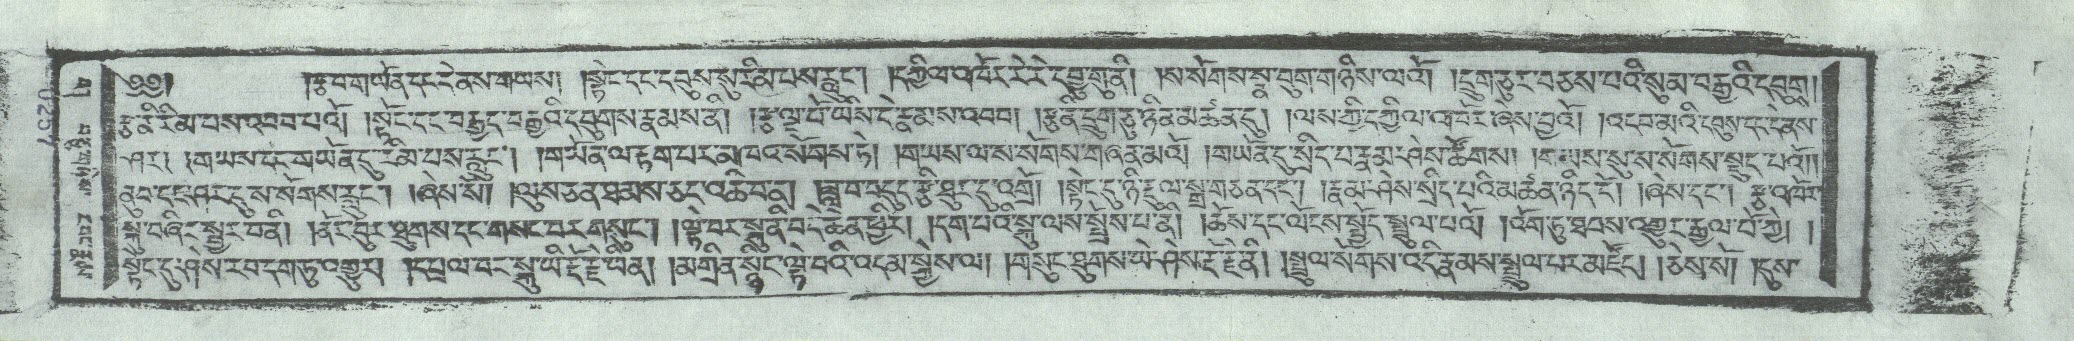༄༅། །རྩ་བ་གཡོན་དང་དེ་ནས་གཡས། །སྟེང་དང་དབུས་སུ་རིམ་པས་རླུང་། །དཀྱིལ་འཁོར་རེ་རེ་དབྱུ་གུ་ནི། །ས་སོགས་སྣ་བུག་གཉིས་ལའོ། །དྲུག་ཅུར་བཅས་པའི་སུམ་བརྒྱའི་དབུགས།
རྩ་ནི་རིམ་པས་འབབ་པའོ། །སྟོང་དང་བརྒྱད་བརྒྱའི་དབུགས་རྣམས་ནི། །རྩ་ལྔ་པོ་ཡིས་དེ་རྣམས་འབབ། །རྩ་ནི་དྲུག་ཅུ་ཉིན་མཚན་དུ། །ལས་ཀྱི་དཀྱིལ་འཁོར་ཞེས་བྱའོ། །འདབ་མའི་དབུས་དང་དེ་ནས་
ཤར༑ ༑གཡས་དང་གཡོན་དུ་རིམ་པས་རླུང་། །གཡོན་ལ་རྟག་པར་མཁའ་སོགས་ཏེ། །གཡས་ལ་ས་སོགས་གཞན་མའོ། །གཡོན་དུ་སྲིད་པ་རྣམ་ཤེས་ཚོགས། །གཡས་སུ་ས་སོགས་སྡུད་པའོ།།
ནུབ་དང་ཤར་དུ་ས་སོགས་རླུང་། །ཞེས་སོ། །ལུས་ཅན་ཐམས་ཅད་འཆི་བ་ན། །ཟླ་བ་བདུད་རྩི་ཐུར་དུ་འགྲོ། །སྟེང་དུ་ཉི་རྡུལ་སྒྲ་གཅན་དང་། །རྣམ་ཤེས་སྲིད་པའི་མཚན་ཉིད་དོ། །ཞེས་དང་། རྩ་འཁོར་
སྐུ་བཞིར་སྦྱར་བ་ནི། །ནོར་བུར་ཐུགས་དང་གསང་བར་གསུང་། །ལྟེ་བར་སྐུ་ནི་བདེ་ཆེན་ཕྱིར། །དག་པའི་སྐུ་ལས་སྤྲོས་པ་ནི། །ཆོས་དང་ལོངས་སྤྱོད་སྤྲུལ་པའོ། །འོག་ཏུ་ཐབས་འགྱུར་རྒྱལ་པོ་ཀྱེ། །
སྟེང་དུ་ཤེས་རབ་དག་ཏུ་འགྱུར། །དཔྲལ་བར་སྐུ་ཡི་རྡོ་རྗེ་ཡིན། །མགྲིན་སྙིང་ལྟེ་བའི་འདམ་སྐྱེས་ལ། །གསུང་ཐུགས་ཡེ་ཤེས་རྡོ་རྗེ་ནི། །སྤྲུལ་སོགས་འདི་རྣམས་སྤྲུལ་པར་མཛོད། །ཅེས་སོ། །དུས་